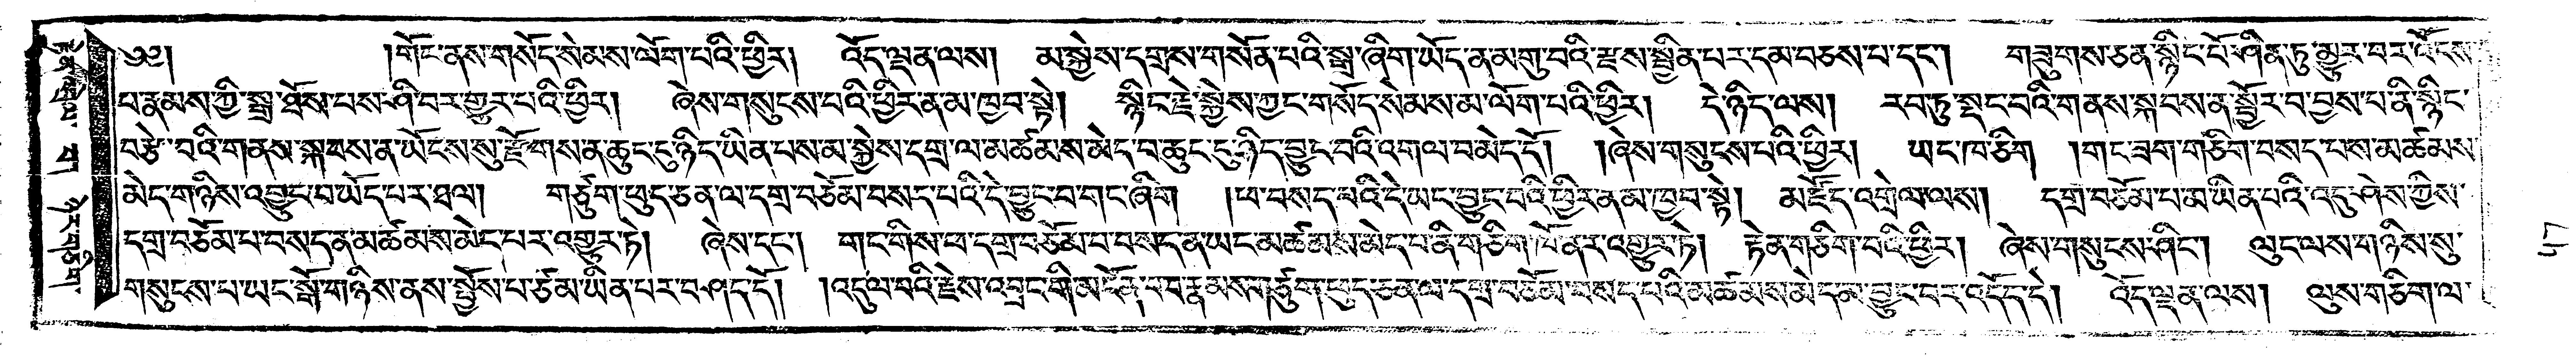༄༅། །གོང་ནས་གསོད་སེམས་ལོག་པའི་ཕྱིར། འོད་ལྡན་ལས། མ་སྐྱེས་དགྲས་གསོན་པའི་སྒྲ་ཞིག་ཡོད་ན་མགུ་བའི་རྫས་སྦྱིན་པར་དམ་བཅས་པ་དང་། གཟུགས་ཅན་སྙིང་པོ་ཤིན་ཏུ་མྱུར་བར་འོངས་
པ་རྣམས་ཀྱི་སྒྲ་ཐོས་པས་ཤི་བར་གྱུར་པའི་ཕྱིར། ཞེས་གསུངས་པའི་ཕྱིར་ན་མ་ཁྱབ་སྟེ། སྙིང་རྗེ་སྐྱེས་ཀྱང་གསོད་སེམས་མ་ལོག་པའི་ཕྱིར། དེ་ཉིད་ལས། རབ་ཏུ་སྡང་བའི་གནས་སྐབས་ན་སྦྱོར་བ་བྱས་པ་ནི་སྙིང་
བརྩེ་བའི་གནས་སྐབས་ན་ཡོངས་སུ་རྫོགས་ན་ཆུང་ངུ་ཉིད་ཡིན་པས་མ་སྐྱེས་དགྲ་ལ་མཚམས་མེད་པ་ཆུང་ངུ་ཉིད་བྱུང་བའི་འགལ་བ་མེད་དོ། །ཞེས་གསུངས་པའི་ཕྱིར། ཡང་ཁ་ཅིག །གང་ཟག་གཅིག་བསད་པས་མཚམས་
མེད་གཉིས་འབྱུང་བ་ཡོད་པར་ཐལ། གཙུག་ཕུད་ཅན་ལ་དགྲ་བཅོམ་བསད་པའི་དེ་བྱུང་བ་གང་ཞིག །ཕ་བསད་པའི་དེ་ཡང་བྱུང་བའི་ཕྱིར་ན་མ་ཁྱབ་སྟེ། མཛོད་འགྲེལ་ལས། དགྲ་བཅོམ་པ་མ་ཡིན་པའི་འདུ་ཤེས་ཀྱིས་
དགྲ་བཅོམ་པ་བསད་ན་མཚམས་མེད་པར་འགྱུར་ཏེ། ཞེས་དང་། གང་གིས་ཕ་དགྲ་བཅོམ་པ་བསད་ན་ཡང་མཚམས་མེད་པ་ནི་གཅིག་ཁོ་ནར་འགྱུར་ཏེ། རྟེན་གཅིག་པའི་ཕྱིར། ཞེས་གསུངས་ཤིང་། ལུང་ལས་གཉིས་སུ་
གསུངས་པ་ཡང་སྒོ་གཉིས་ནས་སྤྱོས་པ་ཙམ་ཡིན་པར་བཤད་དོ། །འདུལ་བའི་རྗེས་འབྲང་གི་མངོན་བ་པ་རྣམས་གཙུག་བུད་ཅན་ལ་དགྲ་བཅོམ་བསད་པའི་མཚམས་མེད་མ་བྱུང་བར་འདོད་དེ། འོད་ལྡན་ལས། ལུས་གཅིག་ལ་